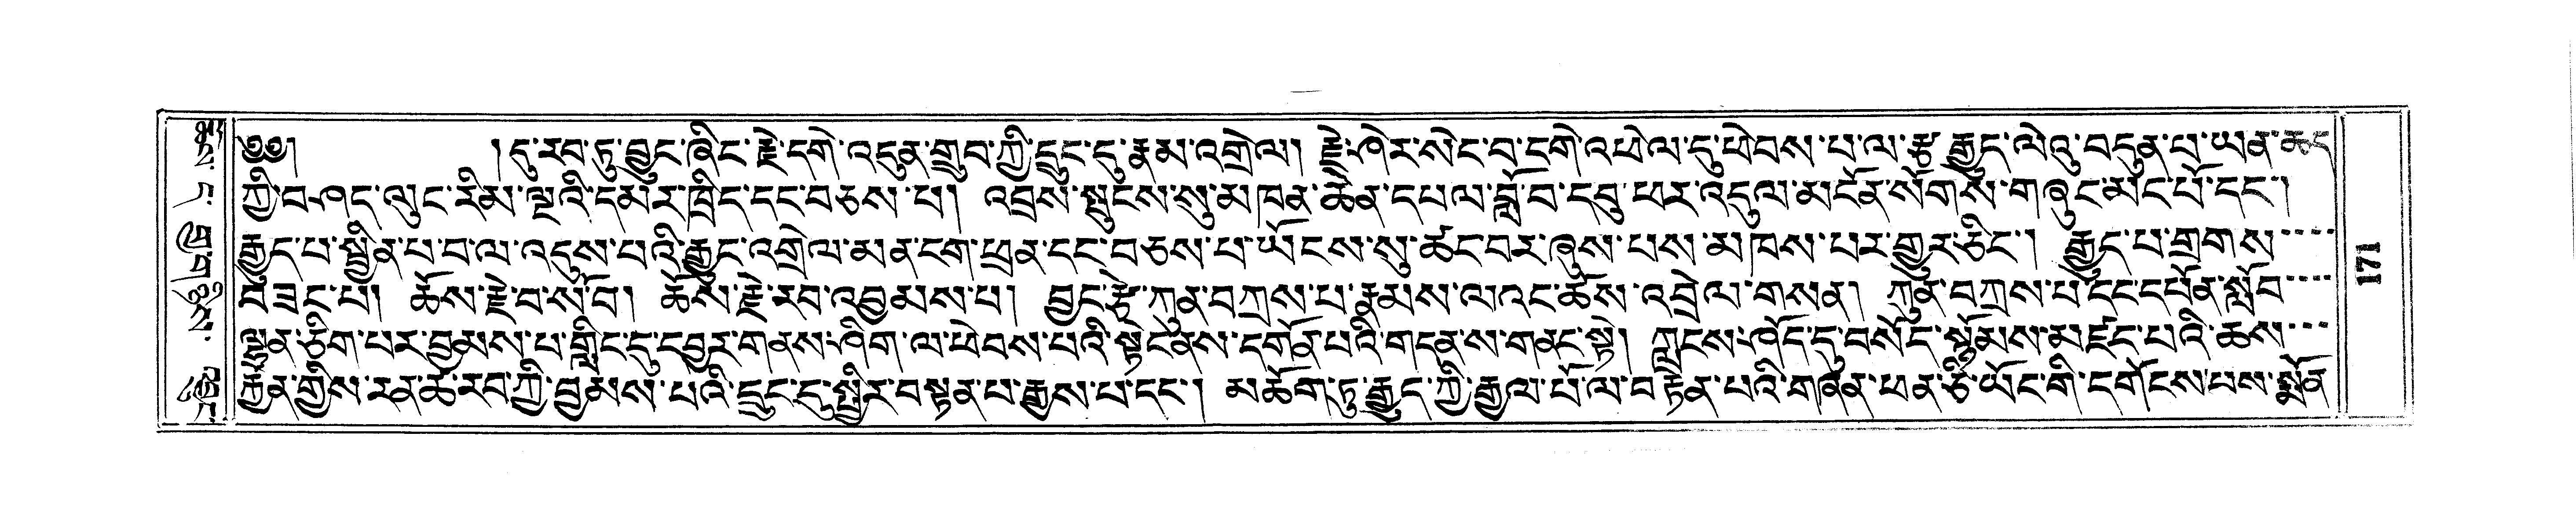༄༅། །དུ་རབ་ཏུ་བྱུང་ཞིང་རྗེ་དགེ་འདུན་གྲུབ་ཀྱི་དྲུང་དུ་རྣམ་འགྲེལ། རྗེ་ཤེར་སེང་བ་དགེ་འཕེལ་དུ་ཕེབས་པ་ལ་རྩ་རྒྱུད་ལེའུ་བདུན་པ་ཡན་ཆད་
ཀྱི་བཤད་ལུང་རིམ་ལྔའི་དམར་ཁྲིད་དང་བཅས་པ། འབྲས་སྤུངས་སུ་མཁན་ཆེན་དཔལ་བློ་བ་དབུ་ཕར་འདུལ་མངོན་སོགས་གཞུང་མང་པོ་དང་།
རྒྱུད་པ་སྦྱིན་པ་བ་ལ་འདུས་པའི་རྒྱུང་འགྲེལ་མན་ངག་ཕྲན་དང་བཅས་པ་ཡོངས་སུ་ཚང་བར་ཞུས་པས་མཁས་པར་གྱུར་ཅིང་། རྒྱུད་པ་གྲགས་
བཟང་པ། ཆོས་རྗེ་བ་སོ་བ། ཆོས་རྗེ་རབ་འབྱམས་པ། བྱང་རྩེ་ཀུན་བཀྲས་པ་རྣམས་ལའང་ཆོས་འབྲེལ་གསན། ཀུན་བཀྲས་པ་དང་དཔོན་སློབ་
ལྷན་ཅིག་པར་བྱམས་པ་གླིང་དུ་དབྱར་གནས་ཤིག་ལ་ཕེབས་པའི་སྟེང་ནས་དགོན་པའི་གདན་ས་གནང་སྟེ། ཀླངས་ཤོད་དུ་བསོད་སྙོམས་མཛད་པའི་ཆས་
རྐྱན་གྱིས་རན་ཚ་རབ་ཀྱི་བྱམས་པའི་དྲུང་དུ་སྤྱིར་བསྟན་པ་རྒྱས་པ་དང་། མཆོག་ཏུ་རྒྱུད་ཀྱི་རྒྱལ་པོ་ལ་བརྟེན་པའི་གཞན་ཕན་ཅི་ཡོང་གི་དགོངས་པས་སྨོན་